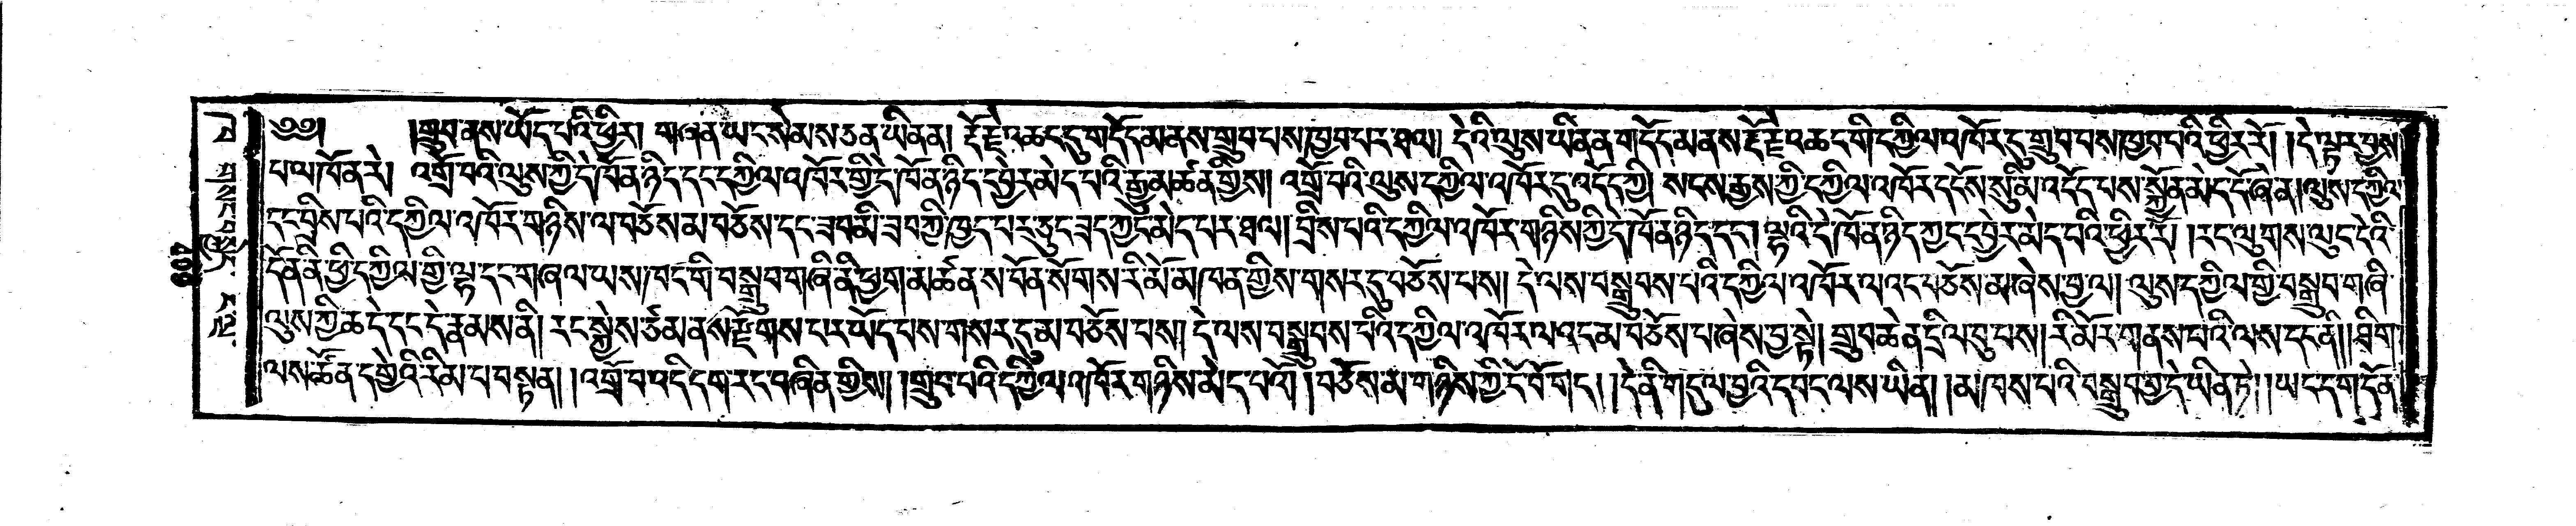༄༅། །གྲུབ་ནས་ཡོད་པའི་ཕྱིར། གཞན་ཡང་སེམས་ཅན་ཡིན་ན། རྡོ་རྗེ་འཆང་དུ་གདོད་མ་ནས་གྲུབ་པས་ཁྱབ་པར་ཐལ། དེའི་ལུས་ཡིན་ན་གདོད་མ་ནས་རྡོ་རྗེ་འཆང་གི་དཀྱིལ་འཁོར་དུ་གྲུབ་པས་ཁྱབ་པའི་ཕྱིར་རོ། །དེ་ལྟར་བྱས་
པ་ལ་ཁོ་ན་རེ། འགྲོ་བའི་ལུས་ཀྱི་དེ་ཁོ་ན་ཉིད་དང་དཀྱིལ་འཁོར་གྱི་དེ་ཁོ་ན་ཉིད་དབྱེར་མེད་པའི་རྒྱུ་མཚན་གྱིས། འགྲོ་བའི་ལུས་དཀྱིལ་འཁོར་དུ་འདོད་ཀྱི། སངས་རྒྱས་ཀྱི་དཀྱིལ་འཁོར་དངོས་སུ་མི་འདོད་པས་སྐྱོན་མེད་དོ་ཞེ་ན། ལུས་དཀྱིལ་
དང་བྲིས་པའི་དཀྱིལ་འཁོར་གཉིས་ལ་བཅོས་མ་བཅོས་དང་ཟབ་མི་ཟབ་ཀྱི་ཁྱད་པར་ཅུང་ཟད་ཀྱང་མེད་པར་ཐལ། བྲིས་པའི་དཀྱིལ་འཁོར་གཉིས་ཀྱི་དེ་ཁོ་ན་ཉིད་དང་། ལྷའི་དེ་ཁོ་ན་ཉིད་ཀྱང་དབྱེར་མེད་པའི་ཕྱིར་རོ། །རང་ལུགས་ལུང་དེའི་
དོན་ནི་ཕྱི་དཀྱིལ་གྱི་ལྷ་དང་གཞལ་ཡས་ཁང་གི་བསྒྲུབ་གཞི་ནི་ཕྱག་མཚན་ས་བོན་སོགས་རི་མོ་མཁན་གྱིས་གསར་དུ་བཅོས་པས། དེ་ལས་བསྒྲུབས་པའི་དཀྱིལ་འཁོར་ལའང་བཅོས་མ་ཞེས་བྱ་ལ། ལུས་དཀྱིལ་གྱི་བསྒྲུབ་གཞི་
ལུས་ཀྱི་ཆ་དེ་དང་དེ་རྣམས་ནི། རང་སྐྱེས་ཙམ་ནས་རྫོགས་པར་ཡོད་པས་གསར་དུ་མ་བཅོས་པས། དེ་ལས་བསྒྲུབས་པའི་དཀྱིལ་འཁོར་ལའང་མ་བཅོས་པ་ཞེས་བྱ་སྟེ། གྲུབ་ཆེན་དྲིལ་བུ་པས། རི་མོར་གནས་པའི་ལས་དང་ནི། །ཐིག་
ལས་ཚོན་དགྱེའི་རིམ་པ་བསྟན། །འགྲོ་བ་འདི་དག་རང་བཞིན་གྱིས། །གྲུབ་པའི་དཀྱིལ་འཁོར་གཉིས་མེད་པའོ། །བཅོས་མ་གཉིས་ཀྱི་ངོ་བོ་གང་། །དེ་ནི་གདུལ་བྱའི་དབང་ལས་ཡིན། །མཁས་པའི་བསྒྲུབ་བྱ་དེ་ཡིན་ཏེ། །ཡང་དག་དོན་